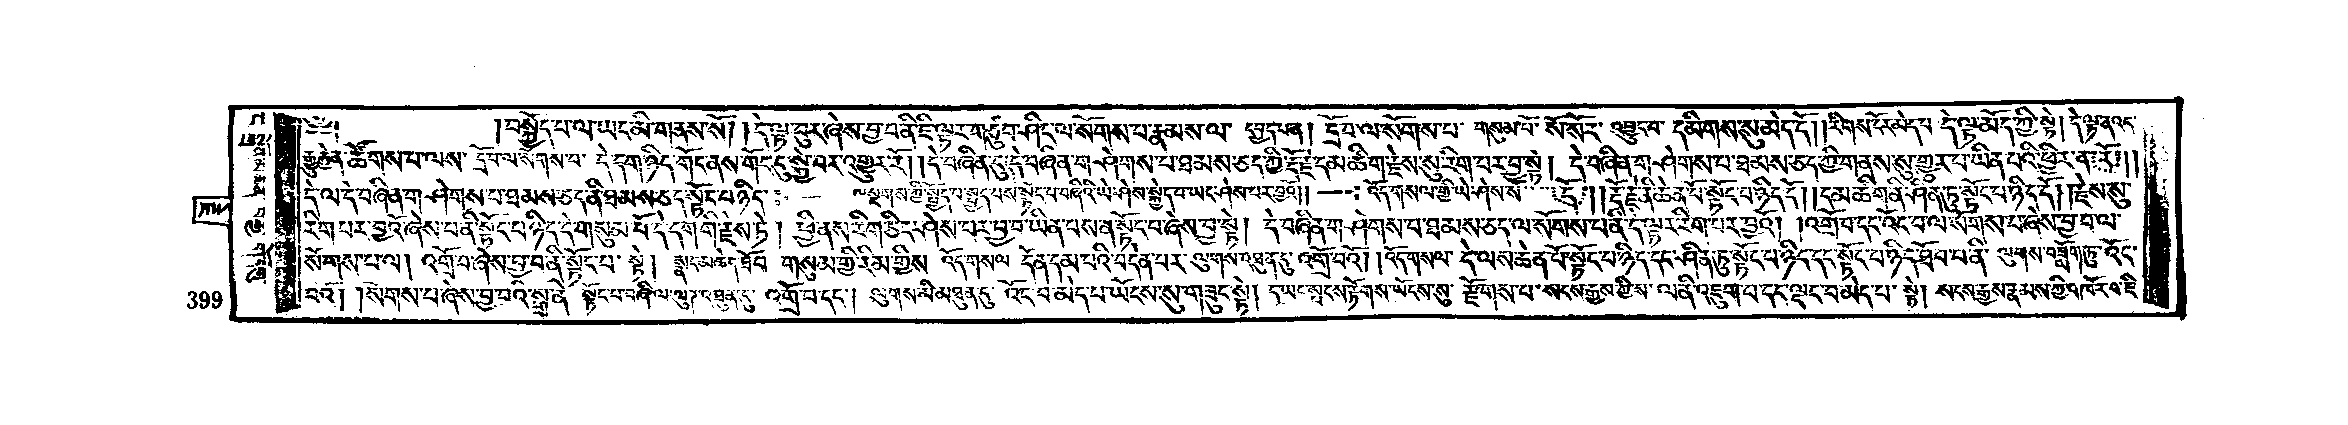༄༅། །བསྐྱོད་པ་ལ་ཡང་མི་གནས་སོ། །དེ་ལྟ་བུར་ཞེས་བྱ་བ་ནི་ཇི་ལྟར་གཙུབ་ཤིང་ལ་སོགས་པ་རྣམས་ལ་དཔྱད་པ་ན། དྲོ་བ་ལ་སོགས་པ་གསུམ་པོ་སོ་སོར་འབྱུང་བ་དམིགས་སུ་མེད་དོ། ། རིགས་ངོར་མེད་པ་དེ་ལྟ་མོད་ཀྱི་སྟེ། དེ་ལྟ་ནའང་
རྒྱུ་རྐྱེན་ཚོགས་པ་ལས་དྲོ་བ་ལ་སོགས་པ་དེ་དག་ཉིད་གོང་ནས་གོང་དུ་སྐྱེ་བར་འགྱུར་རོ། །དེ་བཞིན་དུ་དེ་བཞིན་གཤེགས་པ་ཐམས་ཅད་ཀྱི་རྡོ་རྗེ་དམ་ཚིག་རྗེས་སུ་རིག་པར་བྱ་སྟེ། དེ་བཞིན་གཤེགས་པ་ཐམས་ཅད་ཀྱི་གནས་སུ་གྱུར་པ་ཡིན་པའི་ཕྱིར་ན་རོ། །
དེ་ལ་དེ་བཞིན་གཤེགས་པ་ཐམས་ཅད་ནི་ཐམས་ཅད་སྟོང་པ་ཉིད་H.་༧སྔགས་ཀྱི་སྤྱོད་པ་སྤྱད་པས་སྟོང་པ་བཞིའི་ཡེ་ཤེས་སྐྱེད་པ་ཡང་ཤེས་པར་བྱའོ།། .H འོད་གསལ་གྱི་ཡེ་ཤེས་སོ་དོ། །རྡོ་རྗེ་ནི་ཆེན་པོ་སྟོང་པ་ཉིད་དོ། །དམ་ཚིག་ནི་ཤིན་ཏུ་སྟོང་པ་ཉིད་དོ། །རྗེས་སུ་
རིག་པར་བྱའོ་ཞེས་པ་ནི་སྟོང་པ་ཉིད་དེ་གསུམ་པོ་དེ་དག་གི་རྗེས་ཏེ། ཕྱི་ནས་རིག་ཅིང་ཤེས་པར་བྱ་བ་ཡིན་པས་ན་སྟོང་པ་ཞེས་བྱ་སྟེ། དེ་བཞིན་གཤེགས་པ་ཐམས་ཅད་ལ་སོགས་པ་ནི་དེ་ལྟར་རིག་པར་བྱའོ། །འགྲོ་བ་དང་འོང་བ་ལ་སོགས་པ་ཞེས་བྱ་བ་ལ་
སོགས་པ་ལ། འགྲོ་བ་ཞེས་བྱ་བ་ནི་སྟོང་པ་སྟེ། སྣང་མཆེད་ཐོག་གསུམ་གྱི་རིམ་གྱིས་འོད་གསལ་དོན་དམ་པའི་བདེན་པར་ལུགས་འཐུན་དུ་འགྲོ་བའོ། ། འོད་གསལ་དེ་ལས་ཆེན་པོ་སྟོང་པ་ཉིད་དང་ཤིན་ཏུ་སྟོང་པ་ཉིད་དང་སྟོང་པ་ཉིད་ཐོབ་པ་ནི་ལུགས་བཟློག་ཏུ་འོང་
བའོ། །སོགས་པ་ཞེས་བྱ་བའི་སྒྲ་ནི་སྟོང་པ་བཞི་ལ་ལུགས་འཐུན་དུ་འགྲོ་བ་དང་། ལུགས་མི་མཐུན་དུ་འོང་བ་མེད་པ་ཡོངས་སུ་གཟུང་སྟེ། དེ་ཡང་སྤངས་རྟོགས་ཡོངས་སུ་རྫོགས་པ་སངས་རྒྱས་ཀྱི་ས་ལ་ནི་འཇུག་པ་དང་ལྡང་བ་མེད་པ་སྟེ། སངས་རྒྱས་རྣམས་ཀྱི་འཁོར་བ་ཇི་